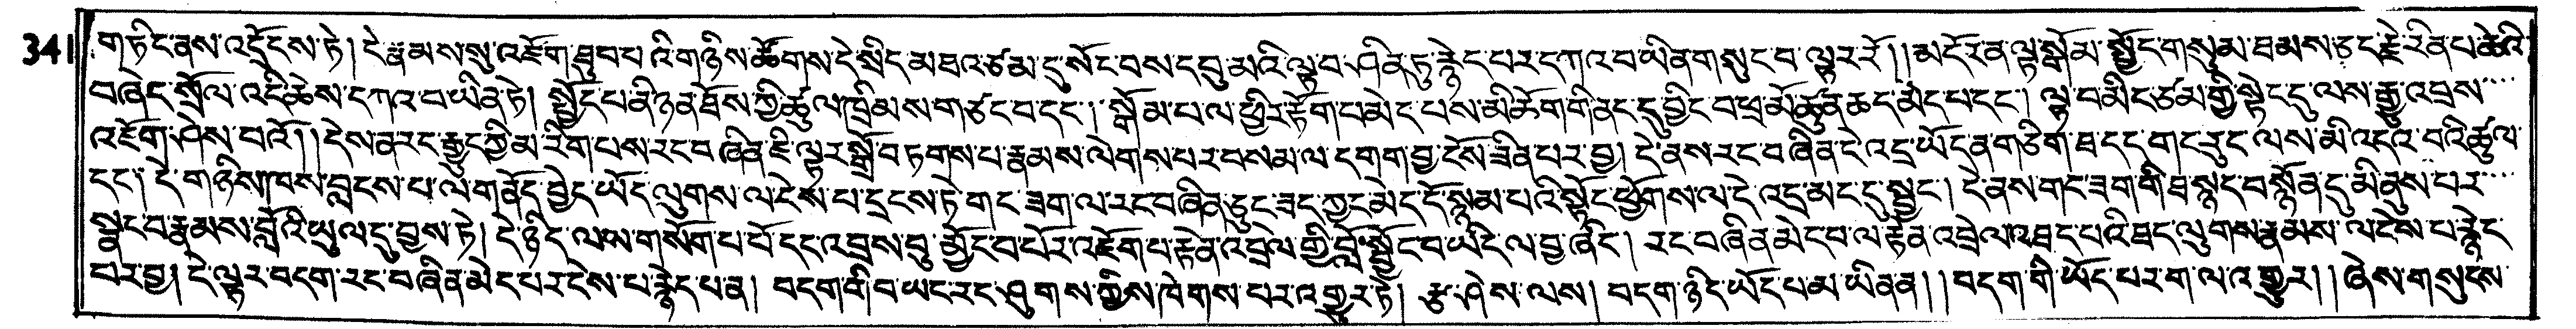གཏིང་ནས་འདྲོངས་ཏེ། དེ་རྣམས་སུ་འཇོག་ཐུབ་པའི་གཉིས་ཚོགས་དེ་སྲིད་མཐའ་ཙམ་དུ་སོང་བས་དབུ་མའི་ལྟ་བ་ཤིན་ཏུ་རྙེད་པར་དཀའ་བ་ཡིན་གསུང་བ་ལྟར་རོ། །མདོར་ན་ལྟ་སྒོམ་སྤྱོད་གསུམ་ཐམས་ཅད་རྗེ་རིན་པོ་ཆེའི་
བཞེད་སྲོལ་འདི་ཆེས་དཀའ་བ་ཡིན་ཏེ། སྤྱོད་པ་ནི་ཉན་ཐོས་ཀྱི་ཚུལ་ཁྲིམས་གཙང་བ་དང་། སྒོམ་པ་ལ་ཕྱིར་རྟོག་པ་མེད་པས་མི་ཆོག་གི་ནང་དུ་བྱིང་བ་ཕྲ་མོ་ཚུན་ཆད་མེད་པ་དང་། ལྟ་བ་མིང་ཙམ་གྱི་སྟེང་དུ་ལས་རྒྱུ་འབྲས་
འཇོག་ཤེས་པའོ། །དེས་ན་རང་རྒྱུད་ཀྱི་མ་རིག་པས་རང་བཞིན་ཇི་ལྟར་སྒྲོ་བཏགས་པ་རྣམས་ལེགས་པར་བསམ་ལ་དགག་བྱ་ངོས་ཟིན་པར་བྱ། དེ་ནས་རང་བཞིན་དེ་འདྲ་ཡོད་ན་གཅིག་ཐ་དད་གང་རུང་ལས་མི་འདའ་བའི་ཚུལ་
དང༑ དེ་གཉིས་ཁས་བླངས་པ་ལ་གནོད་བྱེད་ཡོད་ལུགས་ལ་ངེས་པ་དྲང་ཏེ་གང་ཟག་ལ་རང་བཞིན་ཅུང་ཟད་ཀྱང་མེད་དོ་སྙམ་པའི་སྟོང་ཕྱོགས་ལ་དེ་འདྲ་མང་དུ་སྦྱང་། དེ་ནས་གང་ཟག་གི་ཐ་སྙད་བསྙོན་དུ་མི་ནུས་པར་
སྣང་བ་རྣམས་བློའི་ཡུལ་དུ་བྱས་ཏེ། དེ་ཉིད་ལས་གསོག་པ་པོ་དང་འབྲས་བུ་མྱོང་བ་པོར་འཇོག་པ་རྟེན་འབྲེལ་གྱི་བློ་སྦྱོང་བ་ཡིད་ལ་བྱ་ཞིང་། རང་བཞིན་མེད་པ་ལ་རྟེན་འབྲེལ་འཐད་པའི་ཐད་ལུགས་རྣམས་ལ་ངེས་པ་རྙེད་
པར་བྱ། དེ་ལྟར་བདག་རང་བཞིན་མེད་པར་ངེས་པ་རྙེད་པ་ན། བདག་གི་བ་ཡང་རང་ཤུགས་ཀྱིས་ཁེགས་པར་འགྱུར་ཏེ། རྩ་ཤེས་ལས། བདག་ཉིད་ཡོད་པ་མ་ཡིན་ན། །བདག་གི་ཡོད་པར་ག་ལ་འགྱུར། །ཞེས་གསུངས་